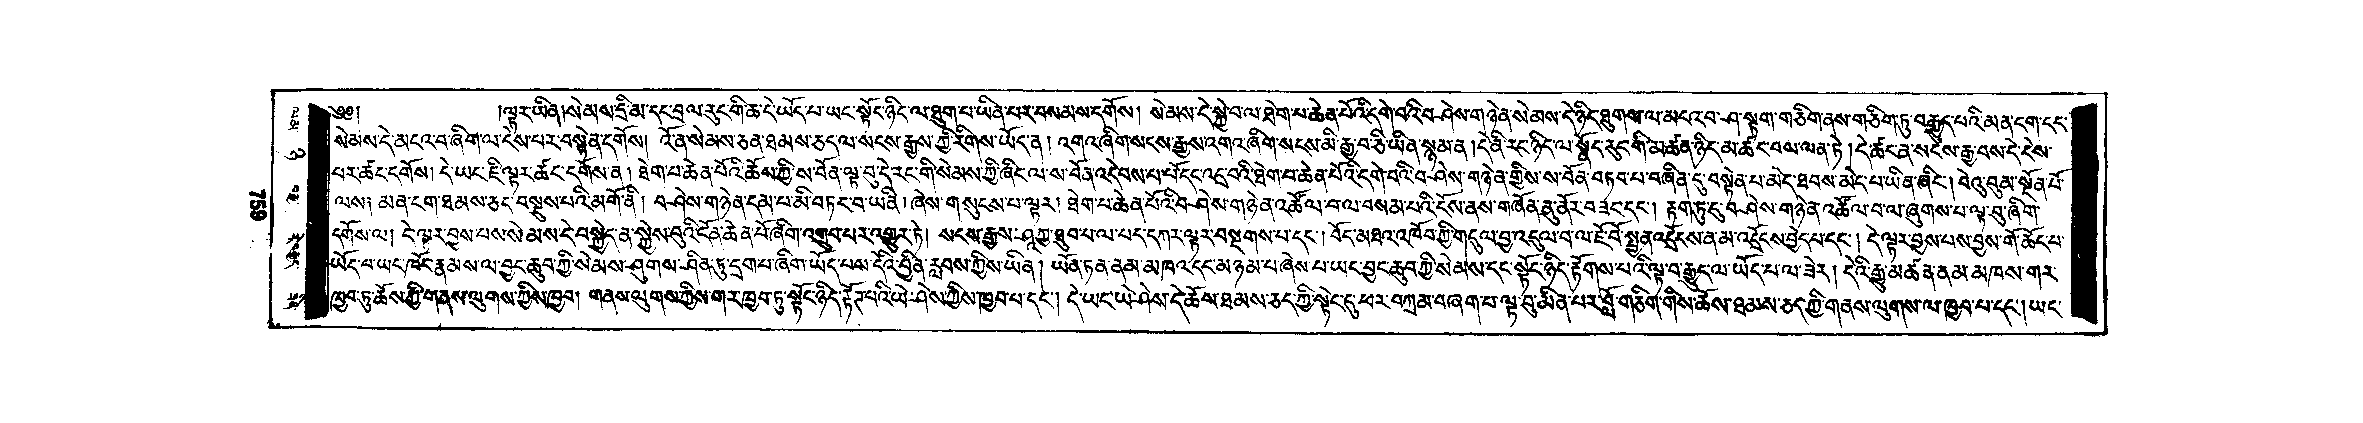༄༅། །ལྟར་ཡིན། སེམས་དྲི་མ་དང་བྲལ་རུང་གི་ཆ་དེ་ཡོད་པ་ཡང་སྟོང་ཉིད་ལ་ཐུག་པ་ཡིན་པར་བསམས་དགོས། སེམས་དེ་སྐྱེ་བ་ལ་ཐེག་པ་ཆེན་པོའི་དགེ་བའི་བཤེས་གཉེན་སེམས་དེ་ཉིད་ཐུགས་ལ་མངའ་བ་ཤ་སྟག་གཅིག་ནས་གཅིག་ཏུ་བརྒྱུད་པའི་མན་ངག་དང་
སེམས་དེ་མངའ་བ་ཞིག་ལ་ངེས་པར་བསྟེན་དགོས། འོ་ན་སེམས་ཅན་ཐམས་ཅད་ལ་སངས་རྒྱས་ཀྱི་རིགས་ཡོད་ན། འགའ་ཞིག་སངས་རྒྱས་འགའ་ཞིག་སངས་མི་རྒྱ་བ་ཅི་ཡིན་སྙམ་ན། དེ་ནི་རང་ཉིད་ལ་སྣོད་རུང་གི་མཚན་ཉིད་མ་ཚང་བས་ལན་ཏེ། དེ་ཚང་ན་སངས་རྒྱ་བས་དེ་ངེས་
པར་ཚང་དགོས། དེ་ཡང་ཇི་ལྟར་ཚང་དགོས་ན། ཐེག་པ་ཆེན་པོའི་ཆོས་ཀྱི་ས་བོན་ལྟ་བུ་དེ་རང་གི་སེམས་ཀྱི་ཞིང་ལ་ས་བོན་འདེབས་པ་པོ་དང་འདྲ་བའི་ཐེག་པ་ཆེན་པོའི་དགེ་བའི་བཤེས་གཉེན་གྱིས་ས་བོན་བཏབ་པ་བཞིན་དུ་བསྟེན་པ་མེད་ཐབས་མེད་པ་ཡིན་ཞིང་། བེའུ་བུམ་སྔོན་པོ་
ལས། མན་ངག་ཐམས་ཅད་བསྡུས་པའི་མགོ་ནི། བཤེས་གཉེན་དམ་པ་མི་བཏང་བ་ཡིན། ཞེས་གསུངས་པ་ལྟར། ཐེག་པ་ཆེན་པོའི་བཤེས་གཉེན་འཚོལ་བ་ལ་བསམ་པའི་ངོས་ནས་གཞོན་ནུ་ནོར་བཟང་དང་། རྟག་ཏུ་ངུ་བཤེས་གཉེན་འཚོལ་བ་ལ་ཞུགས་པ་ལྟ་བུ་ཞིག་
དགོས་ལ། དེ་ལྟར་བྱས་པས་སེམས་དེ་བསྐྱེད་ན་སྐྱེས་བུའི་དོན་ཆེན་པོ་ཞིག་འགྲུབ་པར་འགྱུར་ཏེ། སངས་རྒྱས་ཤཱཀྱ་ཐུབ་པ་ལ་པད་དཀར་ལྟར་བསྔགས་པ་དང་། བོད་མཐའ་འཁོབ་ཀྱི་གདུལ་བྱ་འདུལ་བ་ལ་ཇོ་བོ་སྤྱན་འདྲོངས་ན་མ་འདྲོངས་བྱེད་པ་དང་། དེ་ལྟར་བྱས་པས་བྱས་གོ་ཆོད་པ་
ཡོད་པ་ཡང་ཁོང་རྣམས་ལ་བྱང་ཆུབ་ཀྱི་སེམས་ཤུགས་ཤིན་ཏུ་དྲག་པ་ཞིག་ཡོད་པས་དེའི་བྱིན་རླབས་ཀྱིས་ཡིན། ཡོན་ཏན་ནམ་མཁའ་དང་མཉམ་པ་ཞེས་པ་ཡང་བྱང་ཆུབ་ཀྱི་སེམས་དང་སྟོང་ཉིད་རྟོགས་པའི་ལྟ་བ་རྒྱུད་ལ་ཡོད་པ་ལ་ཟེར། དེའི་རྒྱུ་མཚན་ནམ་མཁས་གར་
ཁྱབ་ཏུ་ཆོས་ཀྱི་གནས་ལུགས་ཀྱིས་ཁྱབ། གནས་ལུགས་ཀྱིས་གར་ཁྱབ་ཏུ་སྟོང་ཉིད་རྟོགས་པའི་ཡེ་ཤེས་ཀྱིས་ཁྱབ་པ་དང་། དེ་ཡང་ཡེ་ཤེས་དེ་ཆོས་ཐམས་ཅད་ཀྱི་སྟེང་དུ་ཕར་བཀྲམ་བཞག་པ་ལྟ་བུ་མིན་པར་བློ་གཅིག་གིས་ཆོས་ཐམས་ཅད་ཀྱི་གནས་ལུགས་ལ་ཁྱབ་པ་དང་། ཡང་